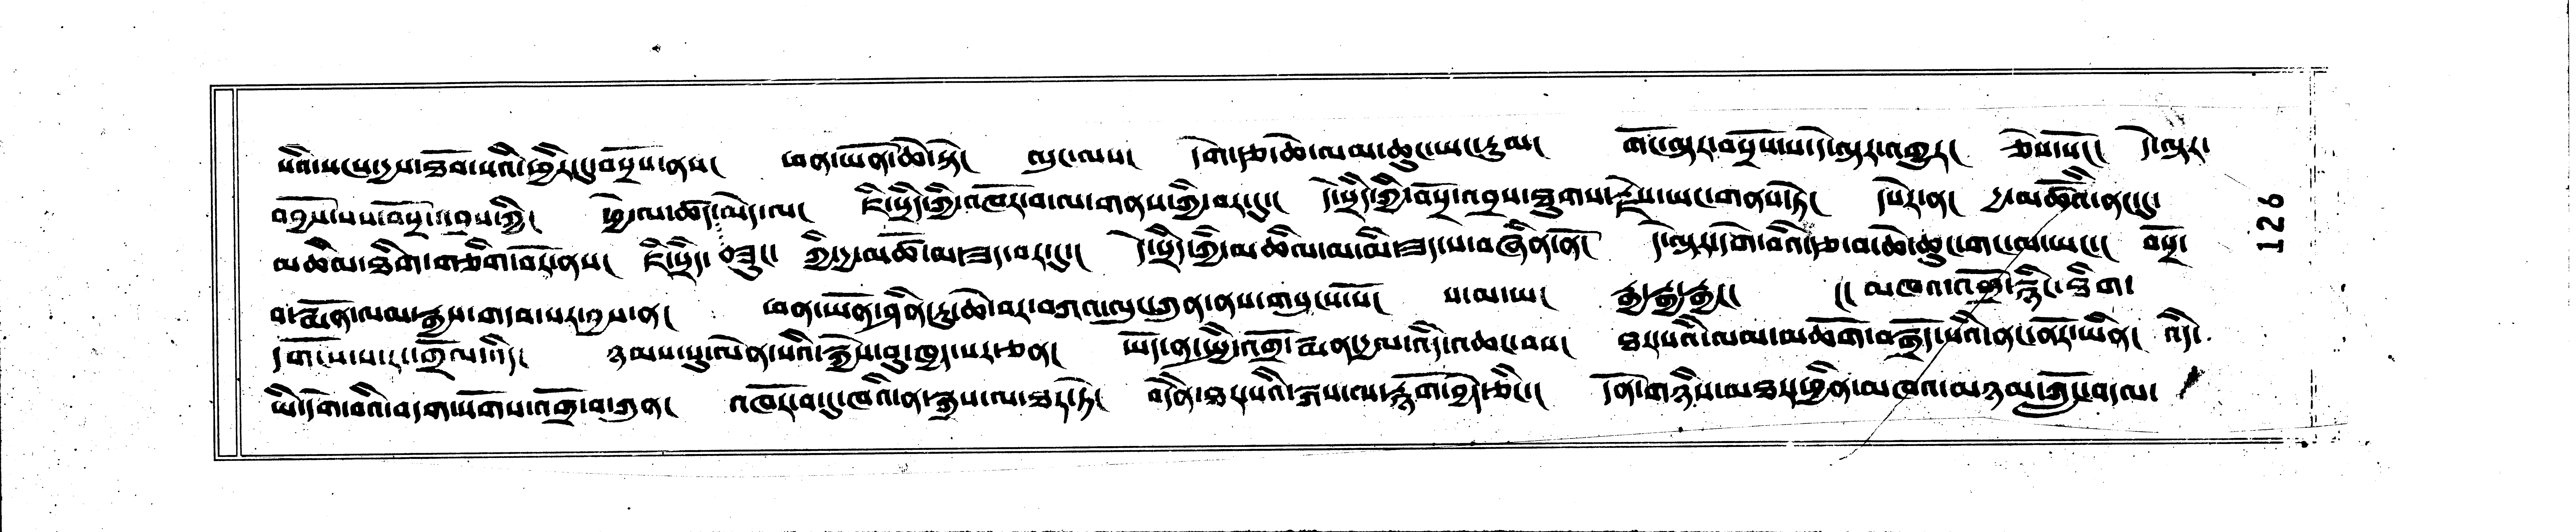པའི་སངས་རྒྱས་ཐོབ་པའི་ཕྱིར་དུ་བསྔོས་ན་ཕན་ཡོན་ཆེ་སྟེ། ལུང་ལས། དགེ་རྩ་ཆེ་འམ་ཆུང་ཡང་རུང་། །གང་ལྟར་བསྔོས་པ་དེ་ལྟར་འགྱུར། །ཅེས་སོ། །དེ་ལྟར་
བསྔོས་པས་བསྔོ་འབྲས་ཀྱི། རྗེ་ལ་ཚད་བཟུང་མེད་ལ། ཇི་སྲིད་ཀྱི་འཁོར་བ་ལ་གནས་ཀྱི་བར་དུ། དེ་སྲིད་ཀྱི་བསྔོ་འབྲས་ཐུགས་རྗེས་ཡང་གནས་ཏེ། དཔེར་ན། རྒྱ་མཚོའི་ནང་དུ་
མཆིལ་ཐིགས་གཅིག་བོར་ནས། ཇི་སྲིད་ཀྱི་རྒྱ་མཚོ་མ་ཟད་ཀྱི་བར་དུ་དེ་སྲིད་ཀྱི་མཆིལ་མ་མི་ཟད་པ་བཞིན་ནོ། །དེ་ལྟར་དགེ་བའི་རྩ་བ་ཆེ་ཆུང་གང་ལ་ཡང་། བསྔོ་
མ་སྨོན་ལམ་རྒྱས་གདབ་པར་བྱས་ན། ཕན་ཡོན་ཤིན་ཏུ་ཆེ་བར་བཀའ་ལུང་ཀུན་ནས་གསུངས་སོ། །ས་མ་ཡ། ། རྒྱ་རྒྱ་རྒྱ ། །།མཁའ་འགྲོ་སྙིང་ཐིག་
དགོངས་པ་རང་གྲོལ་འདི། ཉམས་སུ་ལེན་པའི་སྐྱེས་བུ་ཁྱད་པར་ཅན། ཡོད་ན་སྤྱི་འགྲོ་སྨན་རྒྱལ་འདི་འཆང་བས། ཐར་པའི་ལམ་མཆོག་བགྲོད་པའི་ནང་ནོར་ཡིན། འདི་
ཡི་དགེ་བས་བདག་སོགས་འགྲོ་བ་ཀུན། འཁོར་བ་དུ་ཁཿའི་ན་ཀྲས་ལས་ཐར་ཏེ། བདེ་ཆེན་ཐར་པའི་སྐས་ལ་སྙེགས་བྱེད་ཅིང་། དོན་གཉིས་མཐར་ཕྱིན་མཁའ་མཉམ་ཀློང་བདལ་